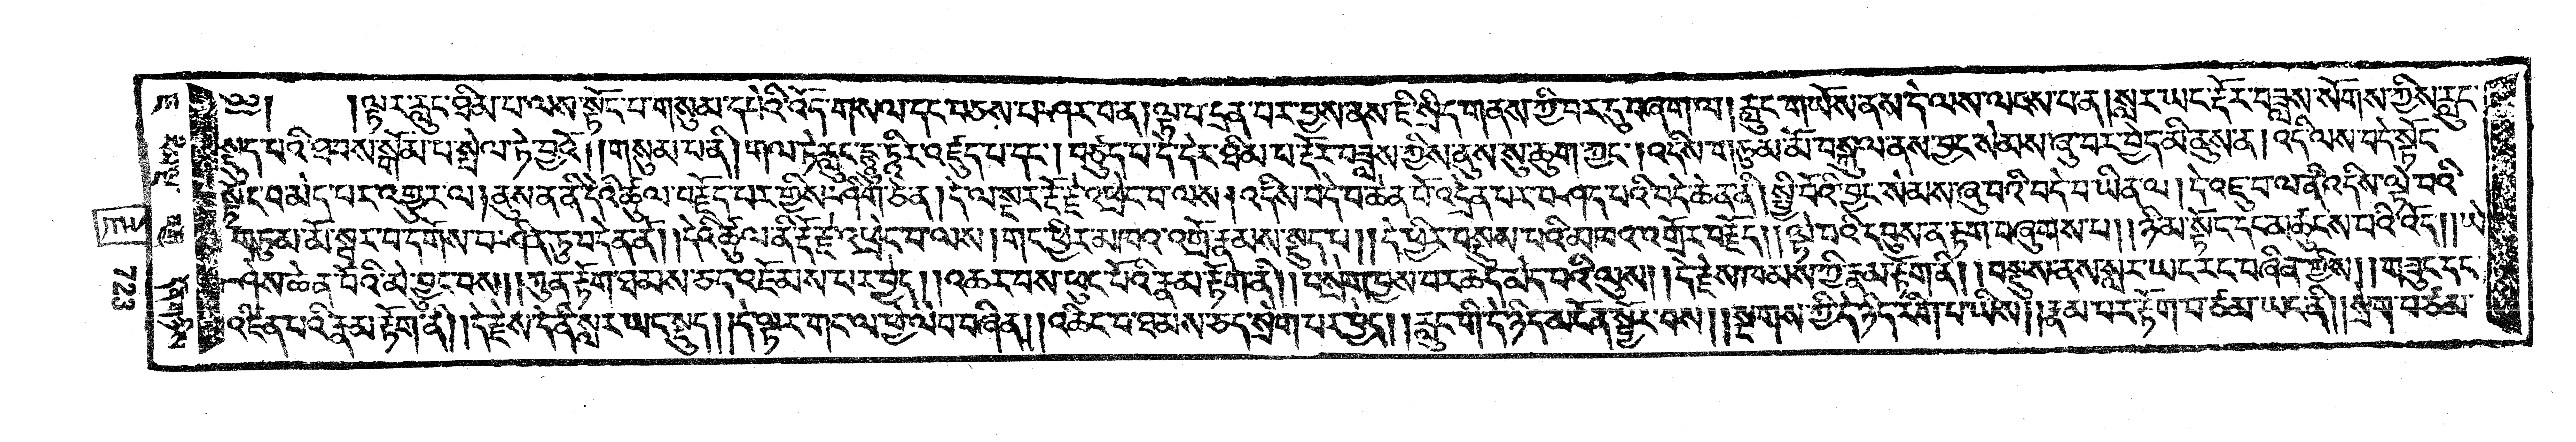༄༅། །ལྟར་རླུང་ཐིམ་པ་ལས་སྟོང་པ་གསུམ་དཔེའི་འོད་གསལ་དང་བཅས་པ་ཤར་བ་ན། ལྟ་བ་དྲན་པར་བྱས་ནས་ཇི་སྲིད་གནས་ཀྱི་བར་དུ་བཞག་ལ། རླུང་གཡོས་ནས་དེ་ལས་ལའངས་པ་ན། སླར་ཡང་རྡོར་བཟླས་སོགས་ཀྱིས་རླུང་
སྡུད་པའི་ཐབས་སྒོམ་པ་སྤེལ་ཏེ་བྱའོ། །གསུམ་པ་ནི། གལ་ཏེ་རླུང་དྷཱུ་ཏཱིར་འཛུད་པ་དང་། བཙུད་པ་དེ་དེར་ཐིམ་པ་རྡོར་བཟླས་ཀྱིས་ནུས་སུ་ཆུག་ཀྱང་། འདིས་གཏུམ་མོ་བསྐུལ་ནས་བྱང་སེམས་ཞུ་བར་བྱེད་མི་ནུས་ན། འདི་ལས་བདེ་སྟོང་
སྦྱོར་བ་མེད་པར་འགྱུར་ལ། ནུས་ན་ནི་དེའི་ཚུལ་བརྗོད་པར་གྱིས་ཤིག་ཅེ་ན། དེ་ལ་སྔར་རྡོ་རྗེ་འཕྲེང་བ་ལས། འདིས་བདེ་བ་ཆེན་པོ་འདྲེན་པར་བཤད་པའི་བདེ་ཆེན་ནི། སྤྱི་བོའི་བྱང་སེམས་ཞུ་བའི་བདེ་བ་ཡིན་ལ། དེ་འཇུ་བ་ལ་ནི་འདིས་ལྟེ་བའི་
གཏུམ་མོ་སྦར་བ་དགོས་པ་ཤིན་ཏུ་བདེན་ནོ། །དེའི་ཚུལ་ནི་རྡོ་རྗེ་འཕྲེང་བ་ལས་གང་ཕྱིར་མཁའ་འགྲོ་རྣམས་སྡུད་པ། །དེ་ཕྱིར་བསྡུས་པའི་མཁའ་འགྲོར་བརྗོད། །ལྟེ་བའི་དབུས་ན་རྟག་བཞུགས་པ། །ཉི་མ་སྟོང་དང་མཚུངས་པའི་འོད། །ཡེ་
ཤེས་ཆེན་པོའི་མེ་བྱུང་བས། །ཀུན་རྟོག་ཐམས་ཅད་འཇོམས་པར་བྱེད། །འཆར་བས་ཕུང་པོའི་རྣམ་རྟོག་ནི། །བསྲེག་བྱས་བར་ཆད་མེད་པའི་ལུས། །དེ་རྗེས་ཁམས་ཀྱི་རྣམ་རྟོག་ནི། །བསྡུས་ནས་སླར་ཡང་རང་བཞིན་གྱིས། །གཟུང་དང་
འཛིན་པའི་རྣམ་རྟོག་ནི། །དེ་རྗེས་དེ་ནི་སླར་ཡང་སྡུད། །དེ་ལྟར་གང་ལ་ཕྱེ་ལེབ་བཞིན། །འཆིང་བ་ཐམས་ཅད་སྲེག་པར་བྱེད། །རླུང་གི་དེ་ཉིད་མངོན་སྦྱོར་བས། །སྔགས་ཀྱི་དེ་ཉིད་རིག་པ་ཡིས། །རྣམ་པར་རྟོག་པ་ཙམ་ཡང་ནི། །སྲེག་པ་ཙམ་